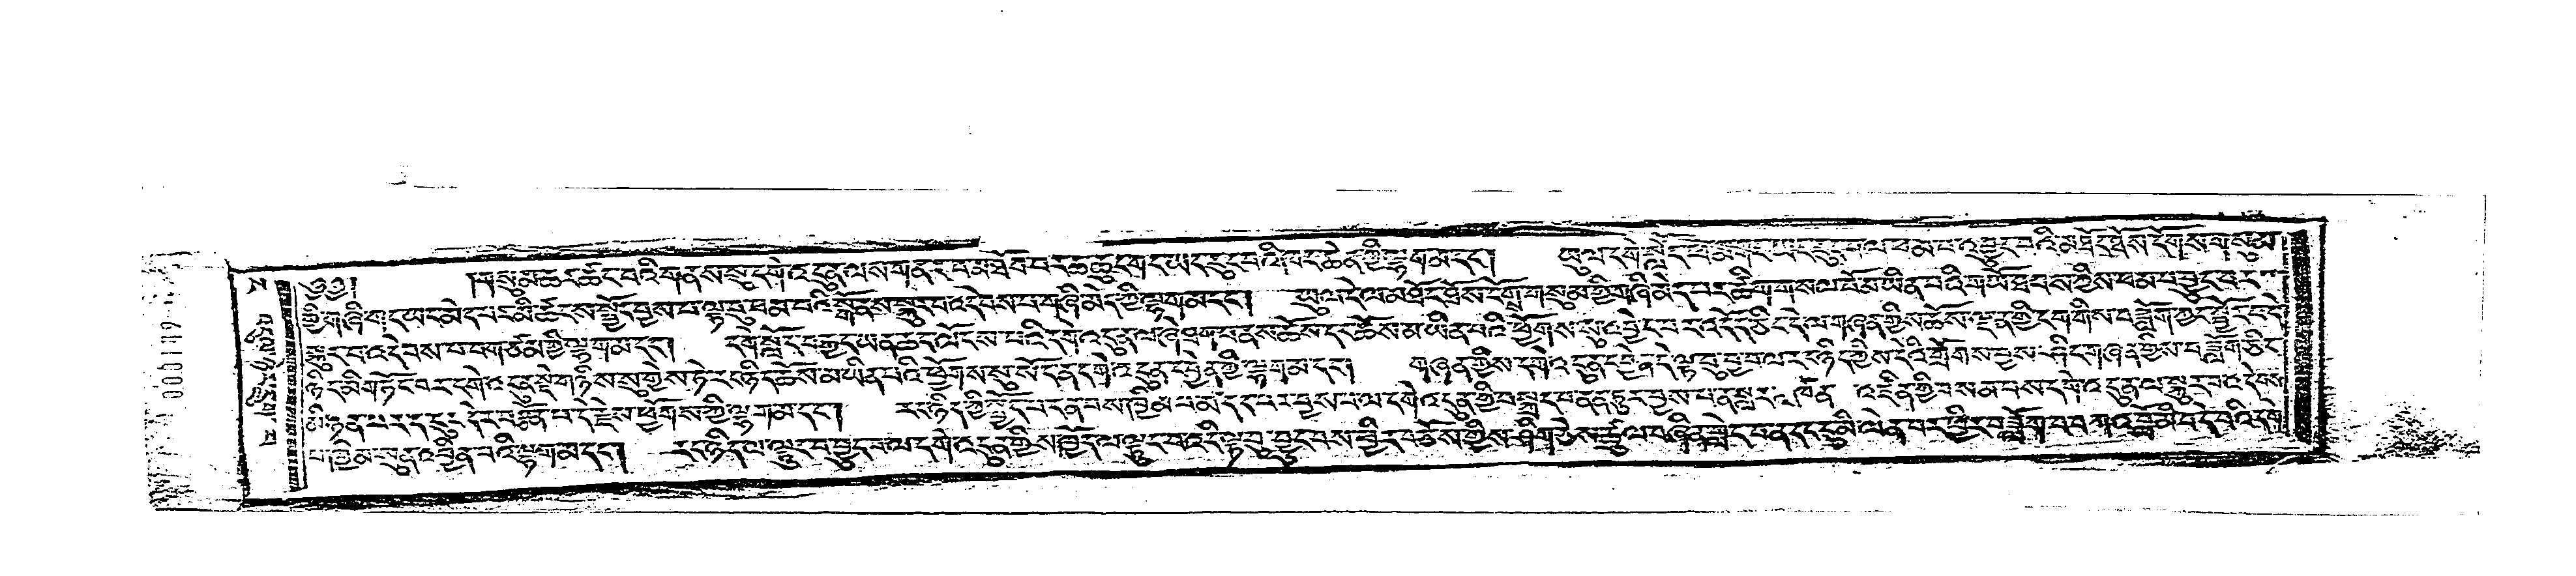༄༅། །གསུམ་ཆར་ཚང་བའི་གནས་སུ་དགེ་འདུན་ལས་གནང་བ་མ་ཐོབ་བར་ཆ་ཆུང་གང་ཡང་རུང་བའི་ཁང་ཆེན་གྱི་ལྷག་མ་དང་། ཡུལ་དགེ་སློང་ཕ་མ་གང་ཡང་རུང་བ་ལ་ཕམ་པ་འབྱུང་བའི་མཐོང་ཐོས་དོགས་གསུམ་
གྱི་གཞི་གང་ཡང་མེད་པར་མི་ཚངས་སྤྱོད་བྱས་པ་ལྟ་བུ་ཕམ་པའི་སྒོ་ནས་སྐུར་བ་འདེབས་པ་གཞི་མེད་ཀྱི་ལྷག་མ་དང་། ཡུལ་དེ་ལ་མཐོང་ཐོས་དོགས་གསུམ་གྱི་གཞི་མེད་པར་ཚིག་གསལ་པོ་མ་ཡིན་པའི་གཡོ་ཐབས་ཀྱིས་ཕམ་པ་བྱུང་བར་
སྐུར་བ་འདེབས་པ་བག་ཙམ་གྱི་ལྷག་མ་དང་། དགེ་སློང་བརྒྱད་ཡན་ཆད་ལོངས་པའི་དགེ་འདུན་ལ་ཞེ་ཐག་པ་ནས་ཆོས་དང་ཆོས་མ་ཡིན་པའི་ཕྱོགས་སུ་འབྱེད་པར་འདོད་ཅིང་དེ་ལ་གཞན་གྱིས་ཆོས་ལྡན་གྱི་ངག་གིས་བཟློག་ཀྱང་སྦྱོར་བ་དེ་
ཉིད་མི་གཏོང་བར་དགེ་འདུན་སྡེ་གཉིས་སུ་གྱེས་ཏེ་རང་ཉིད་ཆོས་མ་ཡིན་པའི་ཕྱོགས་སུ་སོང་ན་དགེ་འདུན་དབྱེན་གྱི་ལྷག་མ་དང་། གཞན་གྱིས་དགེ་འདུན་དབྱེ་ན་དེ་ལྟ་བུ་བྱ་བ་ལ་རང་ཉིད་ཀྱིས་དེའི་གྲོགས་བྱས་ཤིང་གཞན་གྱིས་བཟློག་ཅིང་
མི་ཉན་པར་ད་དུང་དེར་བརྩོན་པ་དེ་རྗེས་ཕྱོགས་ཀྱི་ལྷག་མ་དང་། རང་ཉིད་ཀྱི་སྤྱོད་པ་ངན་པས་ཁྱིམ་པ་མ་དད་པར་བྱས་པ་ལ་དགེ་འདུན་གྱི་བསྐྲད་པ་ནན་ཏུར་བྱས་པ་ན་སླར་འཁོན་འཛིན་གྱི་བསམ་པས་དགེ་འདུན་ལ་སྐུར་བ་འདེབས་
པ་ཁྱིམ་སུན་འབྱིན་པའི་ལྷག་མ་དང་། རང་ཉིད་ལ་ལྟུང་བ་བྱུང་བ་ལ་དགེ་འདུན་གྱིས་ཁྱོད་ལ་ལྟུང་བ་འདི་ལྟ་བུ་བྱུང་བས་ཕྱིར་བཅོས་ཀྱིས་ཤིག་ཅེས་ཚུལ་བཞིན་གླེང་བ་ན་དང་དུ་མི་ལེན་པར་ཕྱིར་བཟློག་པ་བཀའ་བློ་མི་བདེ་བའི་དགེ་